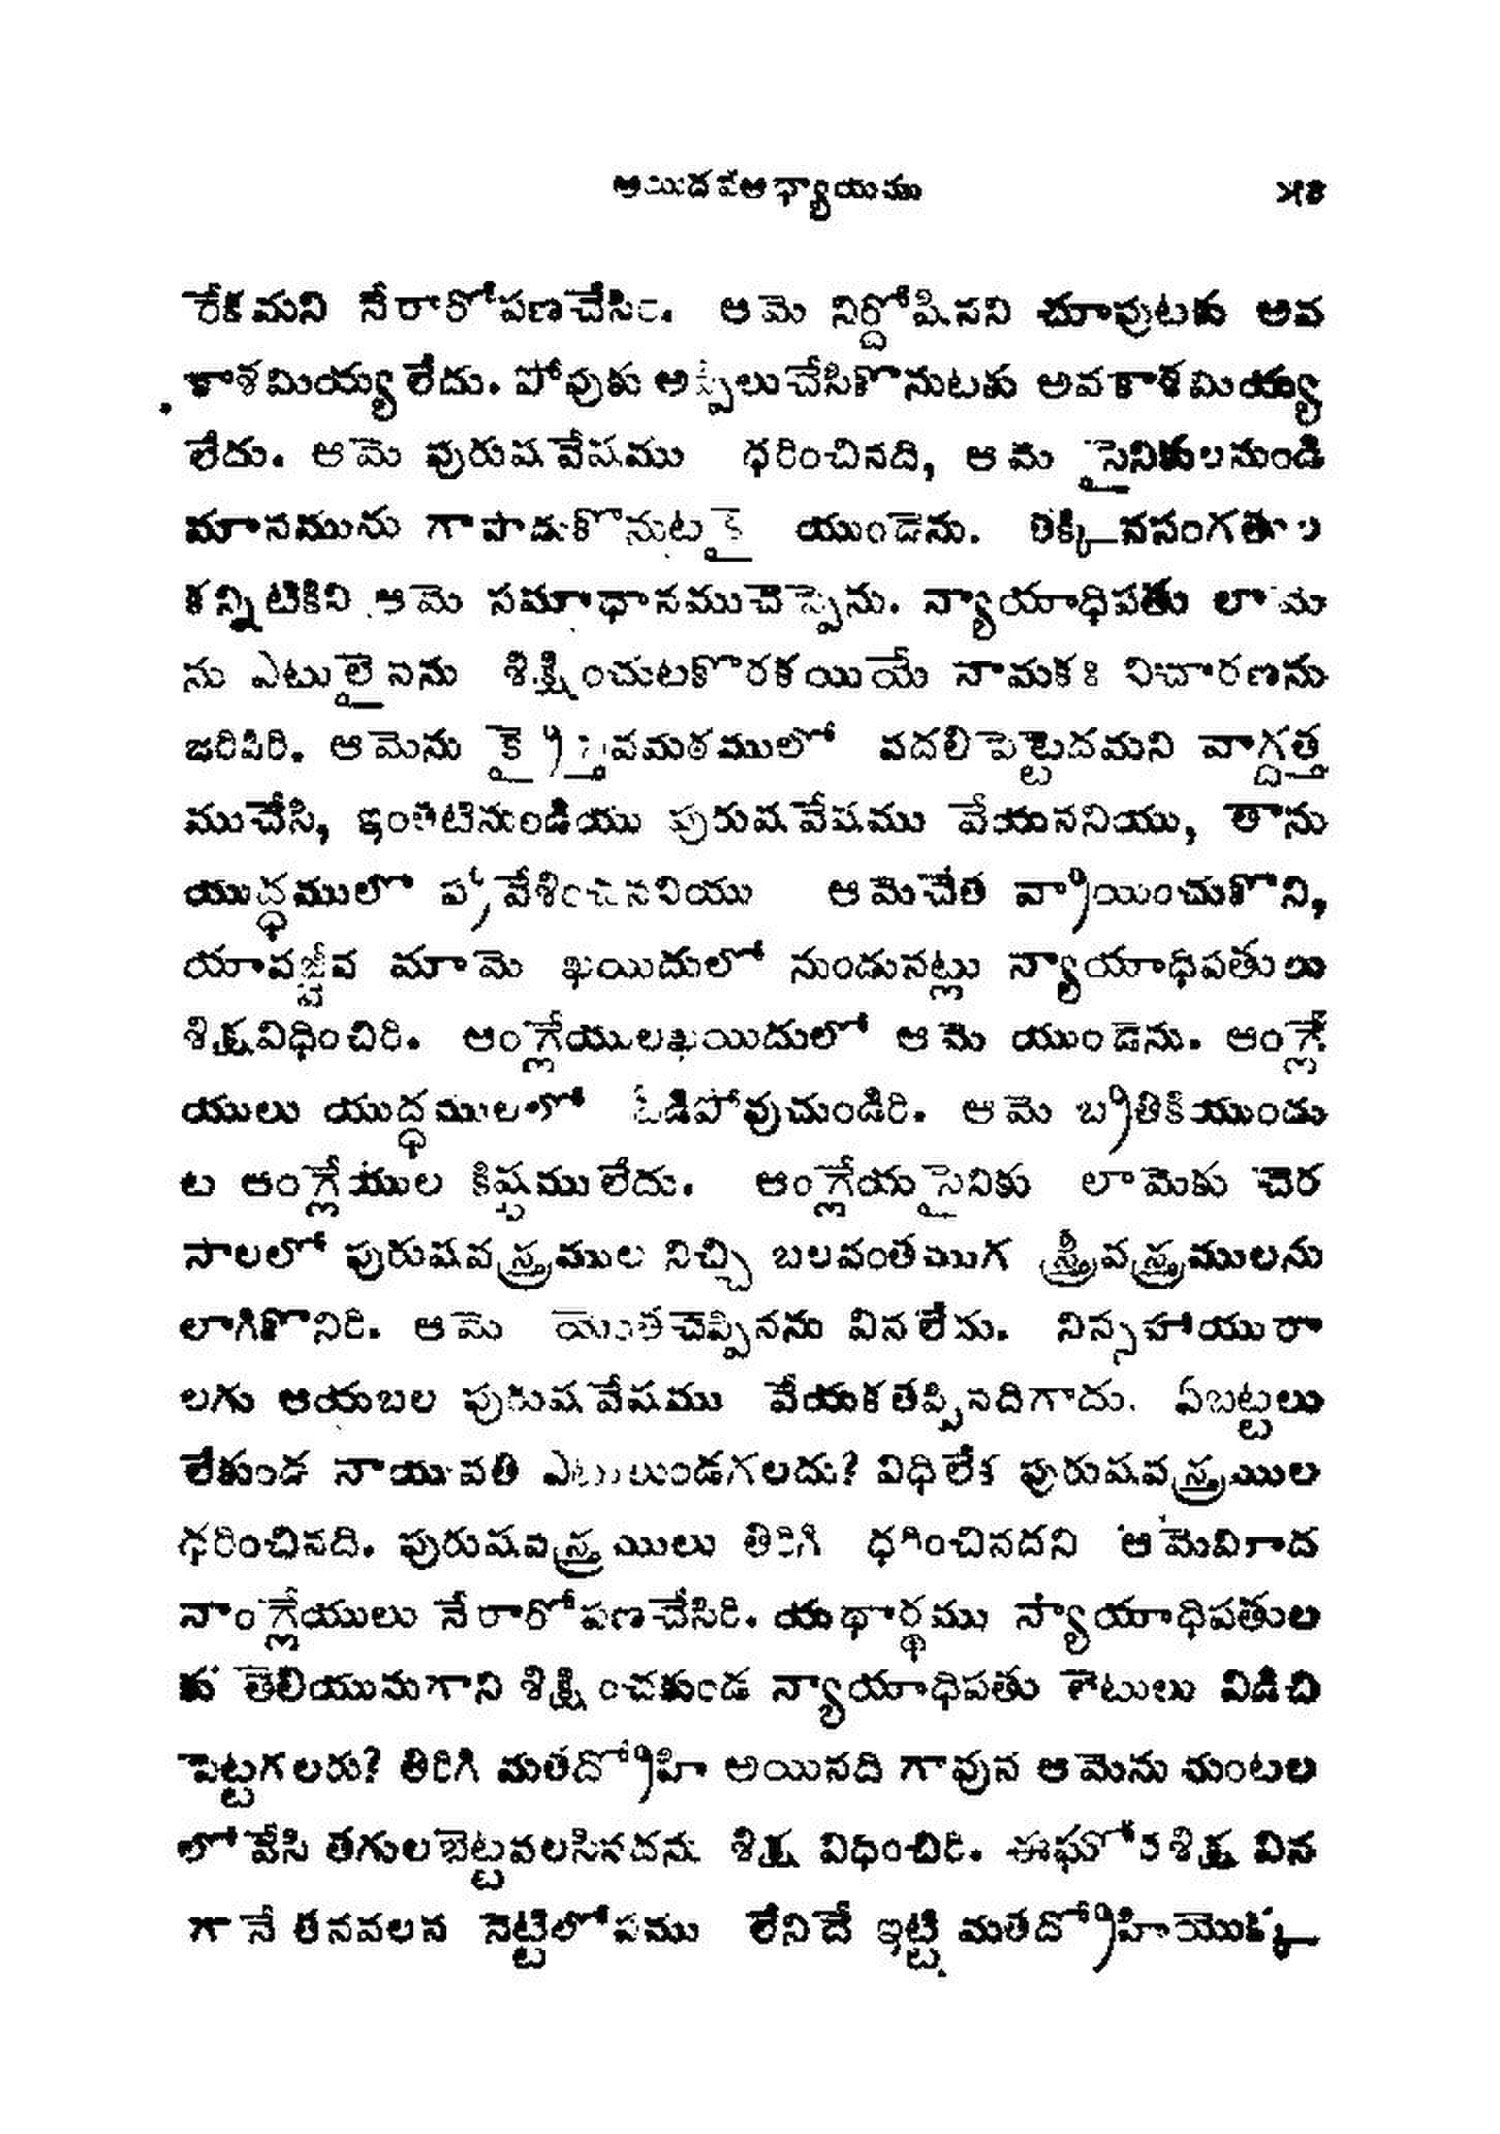రేకమని నేరారోపణ చేసి. ఆమె నిర్దోషినని చూపుటకు అవ
కాశమియ్య లేదు. పోపుకు అప్పీలు చేసికొనుటకు అవకాశమియ్య
లేదు. ఆమె పురుష వేషము ధరించినది, ఆమె "సైనికులనుండి
మానమును గాపాడ కొనుటకై యుండెను. తక్కిన సంగతుల
కన్ని టికిని ఆమె సమాధానము చెప్పెను. న్యాయాధిపతు లామె
ను ఎటులైనను శిక్షించుట కొరకయియే నామకః విచారణను
జరిపిరి. ఆమెను కై స్తవ మఠములో వదలి పెట్టెదమని వాగ్దత్త
ముచేసి, ఇంతటి నుండియు పురుష వేషము వేయననియు, తాను
యుద్ధములో ప్రవేశించి ననియు వ్రాయించు కొని,
యావజ్జీవ మామె ఖయిదులో నుండునట్లు న్యాయాధిపతులు
శిక్ష విధించిరి. ఆంగ్లేయుల ఖయిదులో ఆమె యుండెను. ఆంగ్లే
యులు యుద్ధములలో ఓడి పోవుచుండిరి. ఆమె బ్రతికి యుండుట
ఆంగ్లేయుల కిష్టము లేదు. ఆంగ్లేయు సైనికు లామెకు 'చెర
సాలలో పురుష వస్త్రముల నిచ్చి బలవంతముగ స్త్రీవస్త్రములను
లాగికొనిరి. ఆమె యెంత చెప్పినను వినలేదు. నిస్సహాయురా
లగు ఆయబల పురుష వేషము వేయక తప్పినదిగాదు, ఏబట్టలు
లేకుండ నాయువతి ఎటులుం డగలదు? విధి లేక పురుషవస్త్రముల
దరించినది. పురుష వస్త్రములు తిరిగి ధరించినదని 'ఆ మె మీద
నాంగ్లేయులు నేరారోపణ చేసిరి. యథార్థము న్యాయాధిపతుల
కు తెలియును గాని శిక్షించకుండ న్యాయాధిపతు లెటులు విడిచి
పెట్టగలరు? తిరిగి మతద్రోహి అయినది గావున ఆమెను మంటల
లో వేసి తగులబెట్ట వలసినదను శిక్ష విధించిరి. ఈఘోరశిక్ష విన
గా నే తనవలన సెట్టిలోపము లేనిదే ఇట్టి మతద్రోహి యొక్క